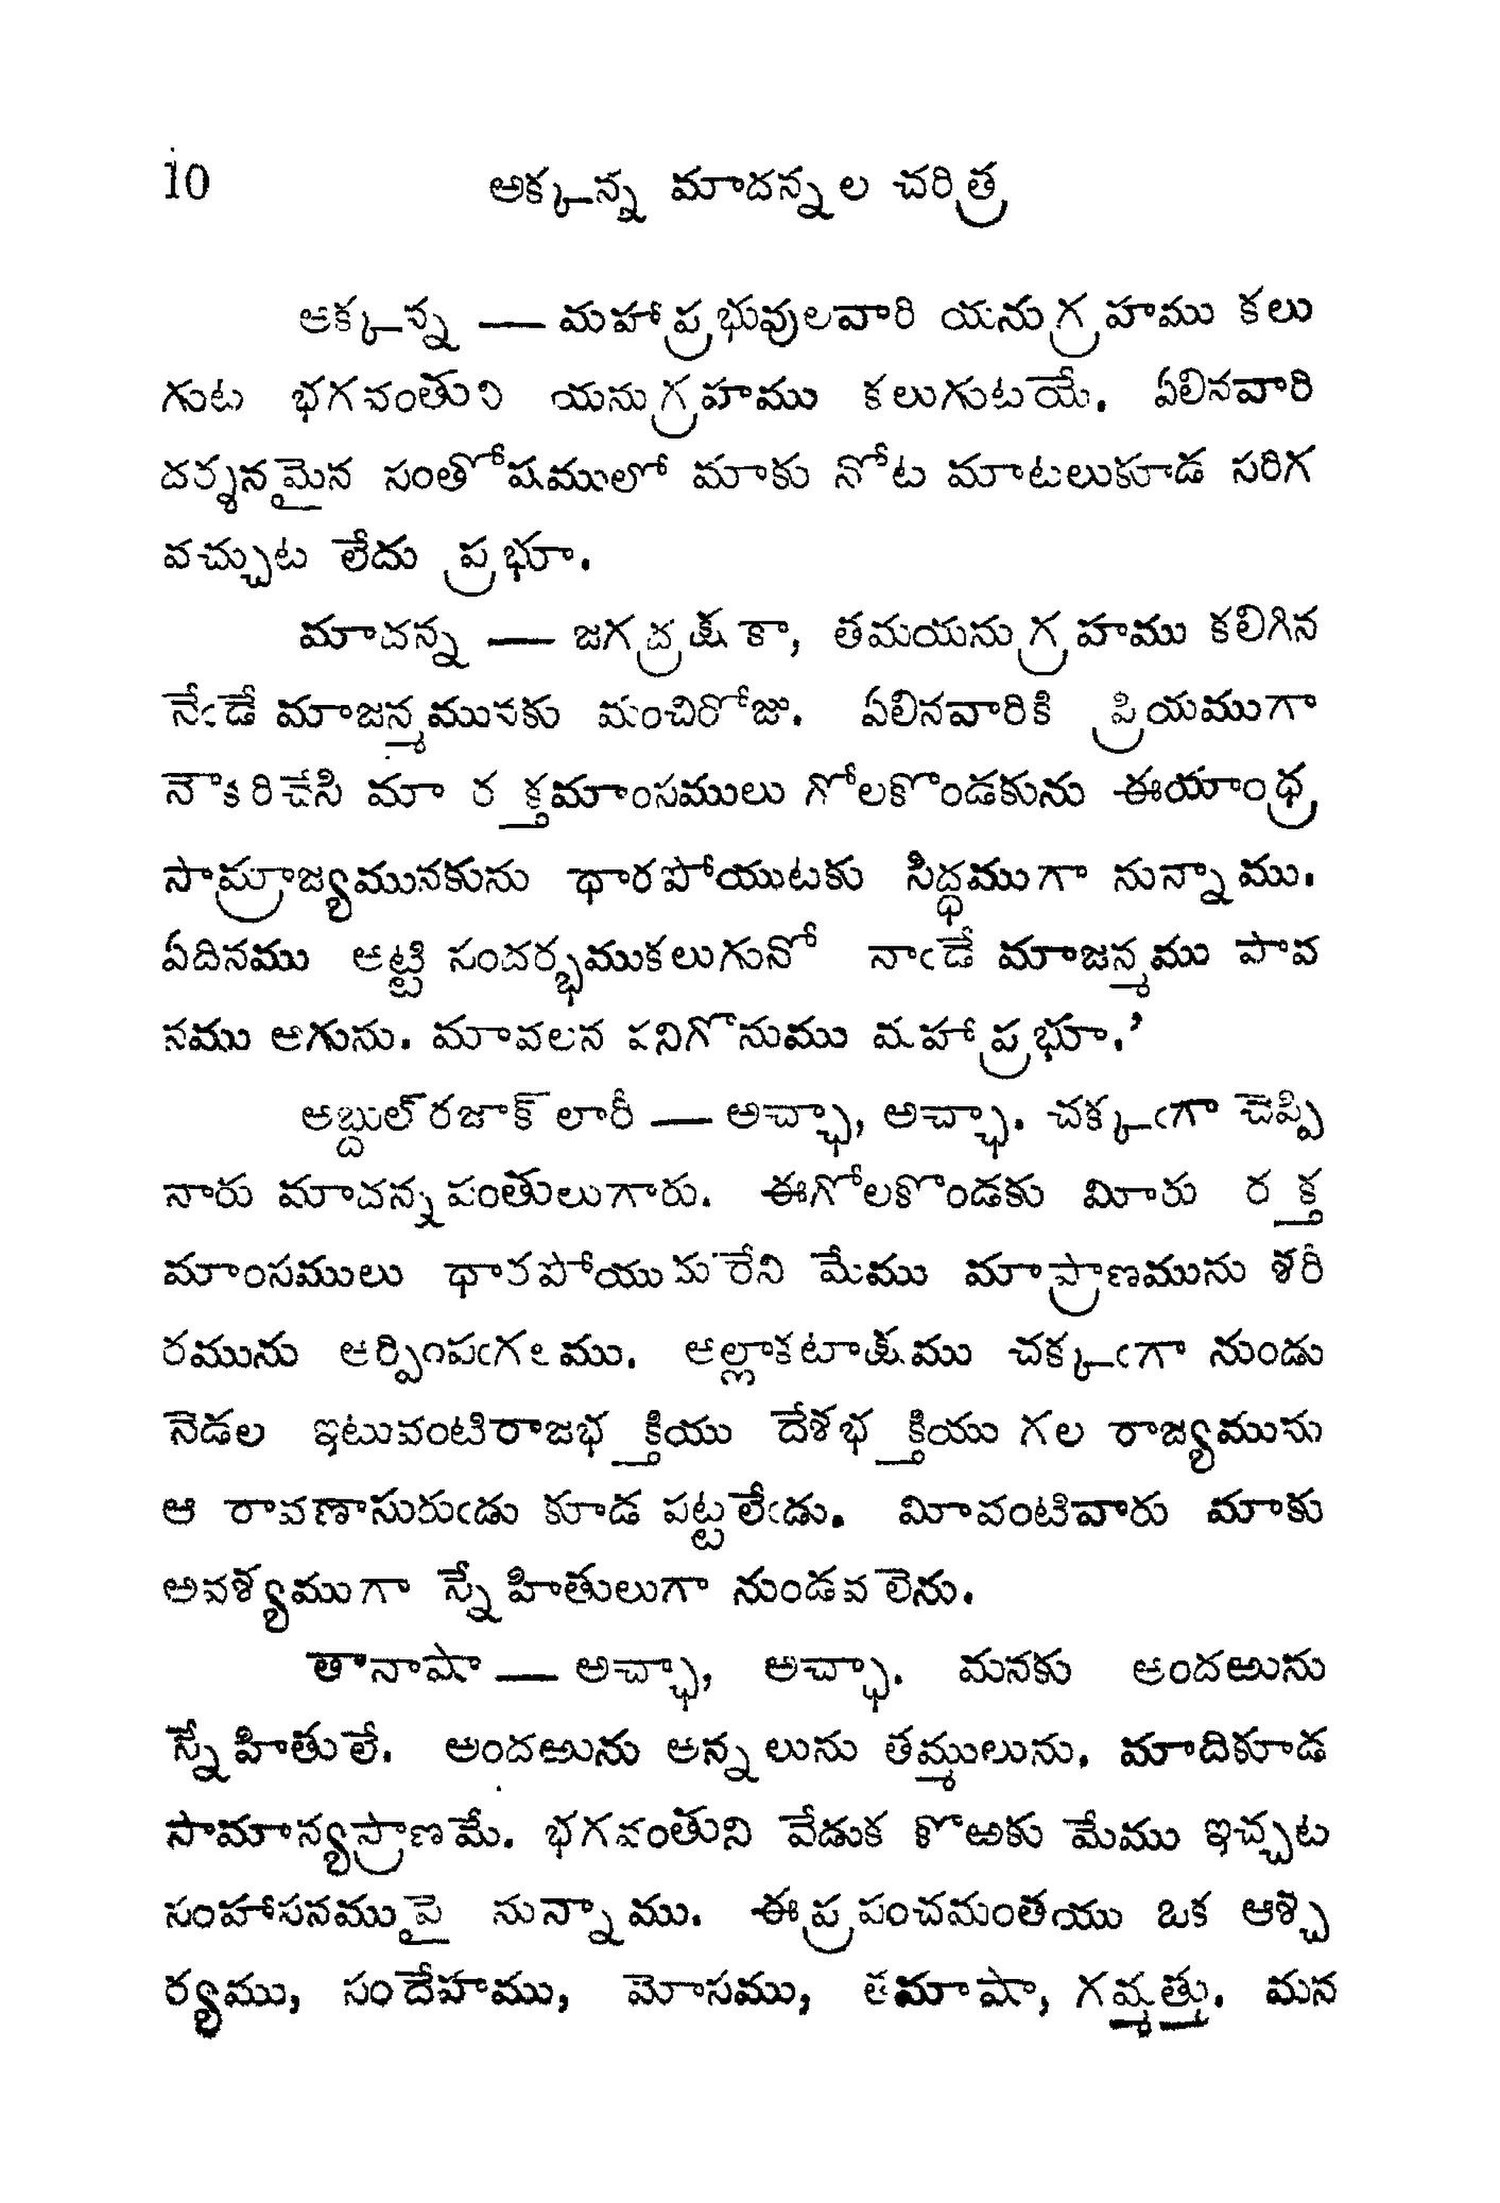అక్కన్న ― మహాప్రభువులవారి యనుగ్రహము కలుగుట భగవంతుని యనుగ్రహము కలుగుటయే. ఏలినవారి దర్శనమైన సంతోషములో మాకు నోట మాటలుకూడ సరిగ వచ్చుట లేదు ప్రభూ.

మాదన్న ― జగద్రక్షకా, తమయనుగ్రహము కలిగిన నేఁడే మాజన్మమునకు మంచిరోజు. ఏలినవారికి ప్రియముగా నౌకరిచేసి మా రక్తమాంసములు గోలకొండకును ఈయాంధ్ర సామ్రాజ్యమునకును ధారపోయుటకు సిద్ధముగా నున్నాము. ఏదినము అట్టి సందర్భముకలుగునో నాఁడే మాజన్మము పావనము అగును. మావలన పనిగొనుము మహాప్రభూ.’

అబ్దుల్‌రజాక్‌లారీ ― అచ్ఛా, ఆచ్ఛా. చక్కఁగా చెప్పినారు మాదన్నపంతులుగారు. ఈగోలకొండకు మీరు రక్తమాంసములు ధారపోయుదురేని మేము మాప్రాణమును శరీరమును అర్పింపఁగలము. అల్లాకటాక్షము చక్కఁగా నుండునెడల ఇటువంటిరాజభక్తియు దేశభక్తియు గల రాజ్యమును ఆ రావణాసురుఁడు కూడ పట్టలేఁడు. విూ వంటివారు మాకు అవశ్యముగా న్నేహితులుగా నుండవలెను.

తానాషా ― అచ్ఛా, అచ్ఛా. మనకు అందఱును స్నేహితులే. అందఱును అన్నలును తమ్ములును. మాదికూడ సామాన్యప్రాణమే. భగవంతుని వేడుక కొఱకు మేము ఇచ్చట సింహాసనముపై నున్నాము. ఈప్రపంచమంతయు ఒక ఆశ్చర్యము, సందేహము, మోసము, తమాషా, గమ్మత్తు. మన